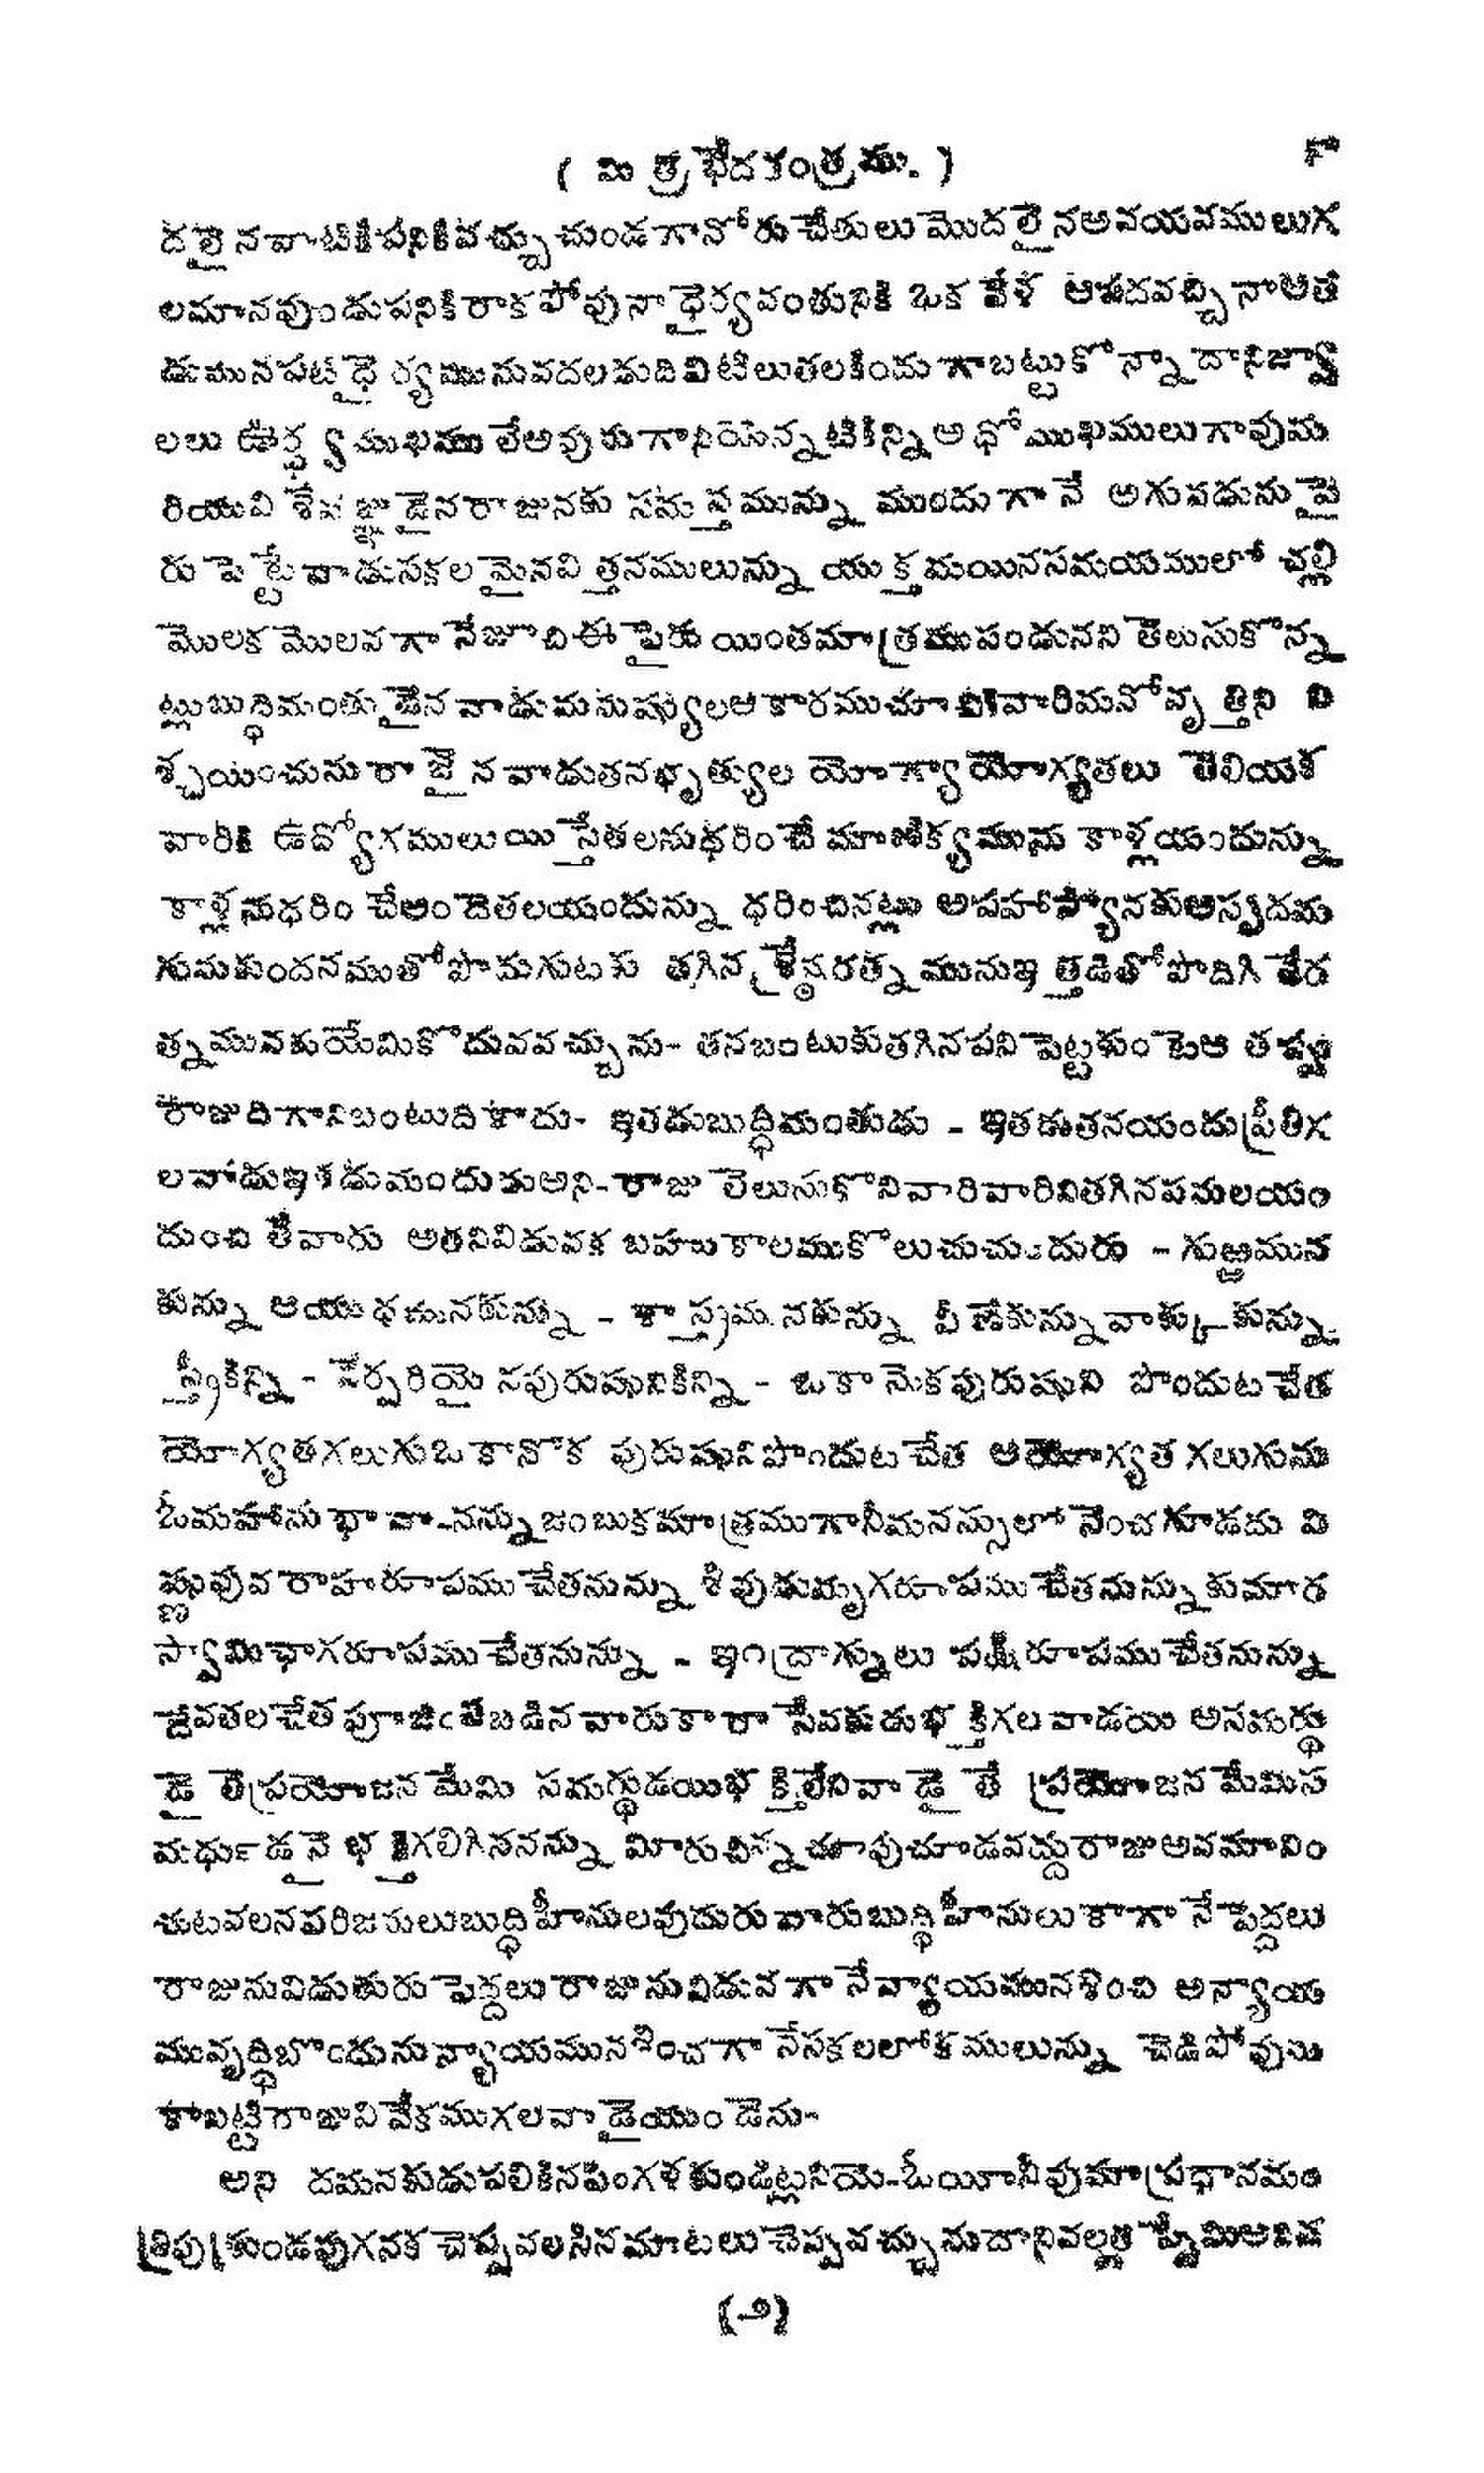దలైనవాటికి పనికివచ్చుచుండగానోరు చేతులు మొదలైన అవయవములుగల మానవుండు పనికిరాకపోవునా
ధైర్యవంతునికి ఒకవేళ ఆపద వచ్చినా అతడు మునపటిధైర్యమును వదలడు. దివిటీలు తలకిందుగా బట్టుకొన్నా దానిజ్వాలలు ఊర్ధ్యముఖములే అవును గాని యెన్నటికిన్ని అధోముఖములు గావు. మరియు విశేషజ్ఞుడైన రాజునకు సమస్తమున్ను ముందుగానే అగుపడును. పైరు పెట్టేవాడు సకలమైనవిత్తనములున్ను యుక్తమయిన సమయములో మొలక మొలవగానే జూచి ఈపైరు యింతమాత్రము పండునని తెలుసుకొన్నట్లు బుద్ధిమంతుడైనవాడు మనుష్యులఆకారము చూచి వారిమనోవృత్తిని నిశ్చయించును. రాజైనవాడు తనభృత్యులయోగ్యాయోగ్యతలు తెలియక వారికి ఉద్యోగములు యిస్తే తలను ధరించేమాణిక్యమును కాళ్లయందున్ను కాళ్లను ధరించేఅందె తలయందున్ను ధరించినట్లు అపహాస్యానకు ఆస్పదమగును. కుందనముతో పొదుగుటకు తగిన శ్రేష్ఠరత్నమును ఇత్తడితో పొదిగితే రత్నమునకు యేమి కొదువ వచ్చును. తనబంటుకు తగినపని పెట్టకుంటె ఆతప్పు రాజుది గాని బంటుది కాదు. ఇతడు బుద్ధిమంతుడు ఇతడు తనయందు ప్రీతిగలవాడు ఇతడు మందుడు అని రాజు తెలుసుకొని వారివారిని తగినపనులయం దుంచితే వారు అతని విడువక బహుకాలము కొలుచుచుందురు. గుఱ్ఱమునకున్ను ఆయుధమునకున్ను శాస్త్రమునకున్ను వీణెకున్ను వాక్కుకున్ను స్త్రీకిన్ని నేర్పరియైనపురుషునికిన్ని ఒకానొకపురుషుని పొందుటచేత యోగ్యత గలుగు. ఒకానొకపురుషుని పొందుటచేత అయోగ్యత గలుగును. ఓమహానుభావా నన్ను జంబుకమాత్రముగా నీమనస్సులో నెంచగూడదు. విష్ణువు వరాహరూపముచేతనున్ను శివుడు మృగరూపముచేతనున్ను కుమారస్వామి ఛాగరూపముచేతనున్ను ఇంద్రాగ్నులు పక్షిరూపముచేతనున్ను దేవత చేత పూజింపబడినవారు కారా. సేవకుడు భక్తిగలవాడయి అసమర్థుడైతె ప్రయోజన మేమి. సమర్థుడయి భక్తిలేనివాడైతే ప్రయోజన మేమి. సమర్ధుఁడనై భక్తిగలిగిననన్ను మీరు చిన్నచూపు చూడవద్దు. రాజు అవమానించుటవలన పరిజనులు బుద్ధిహీను లవుదురు. వారు బుద్ధిహీనులు కాగానే పెద్దలు రాజును విడుతురు. పెద్దలు రాజును విడువగానే న్యాయము నశించి అన్యాయము వృద్ధిబొందును. న్యాయము నశించగానే సకలలోకములున్ను చెడిపోవును. కాబట్టి రాజు వివేకముగలవాడై యుండెను.

అని దమనకుడు పలికిన పింగళకుం డిట్లనియె. ఓయీ నీవు మాప్రధానమంత్రిపుత్రుండవు గనక చెప్పవలసిన మాటలు చెప్పవచ్చును దానివల్ల తప్పేమి అని ష